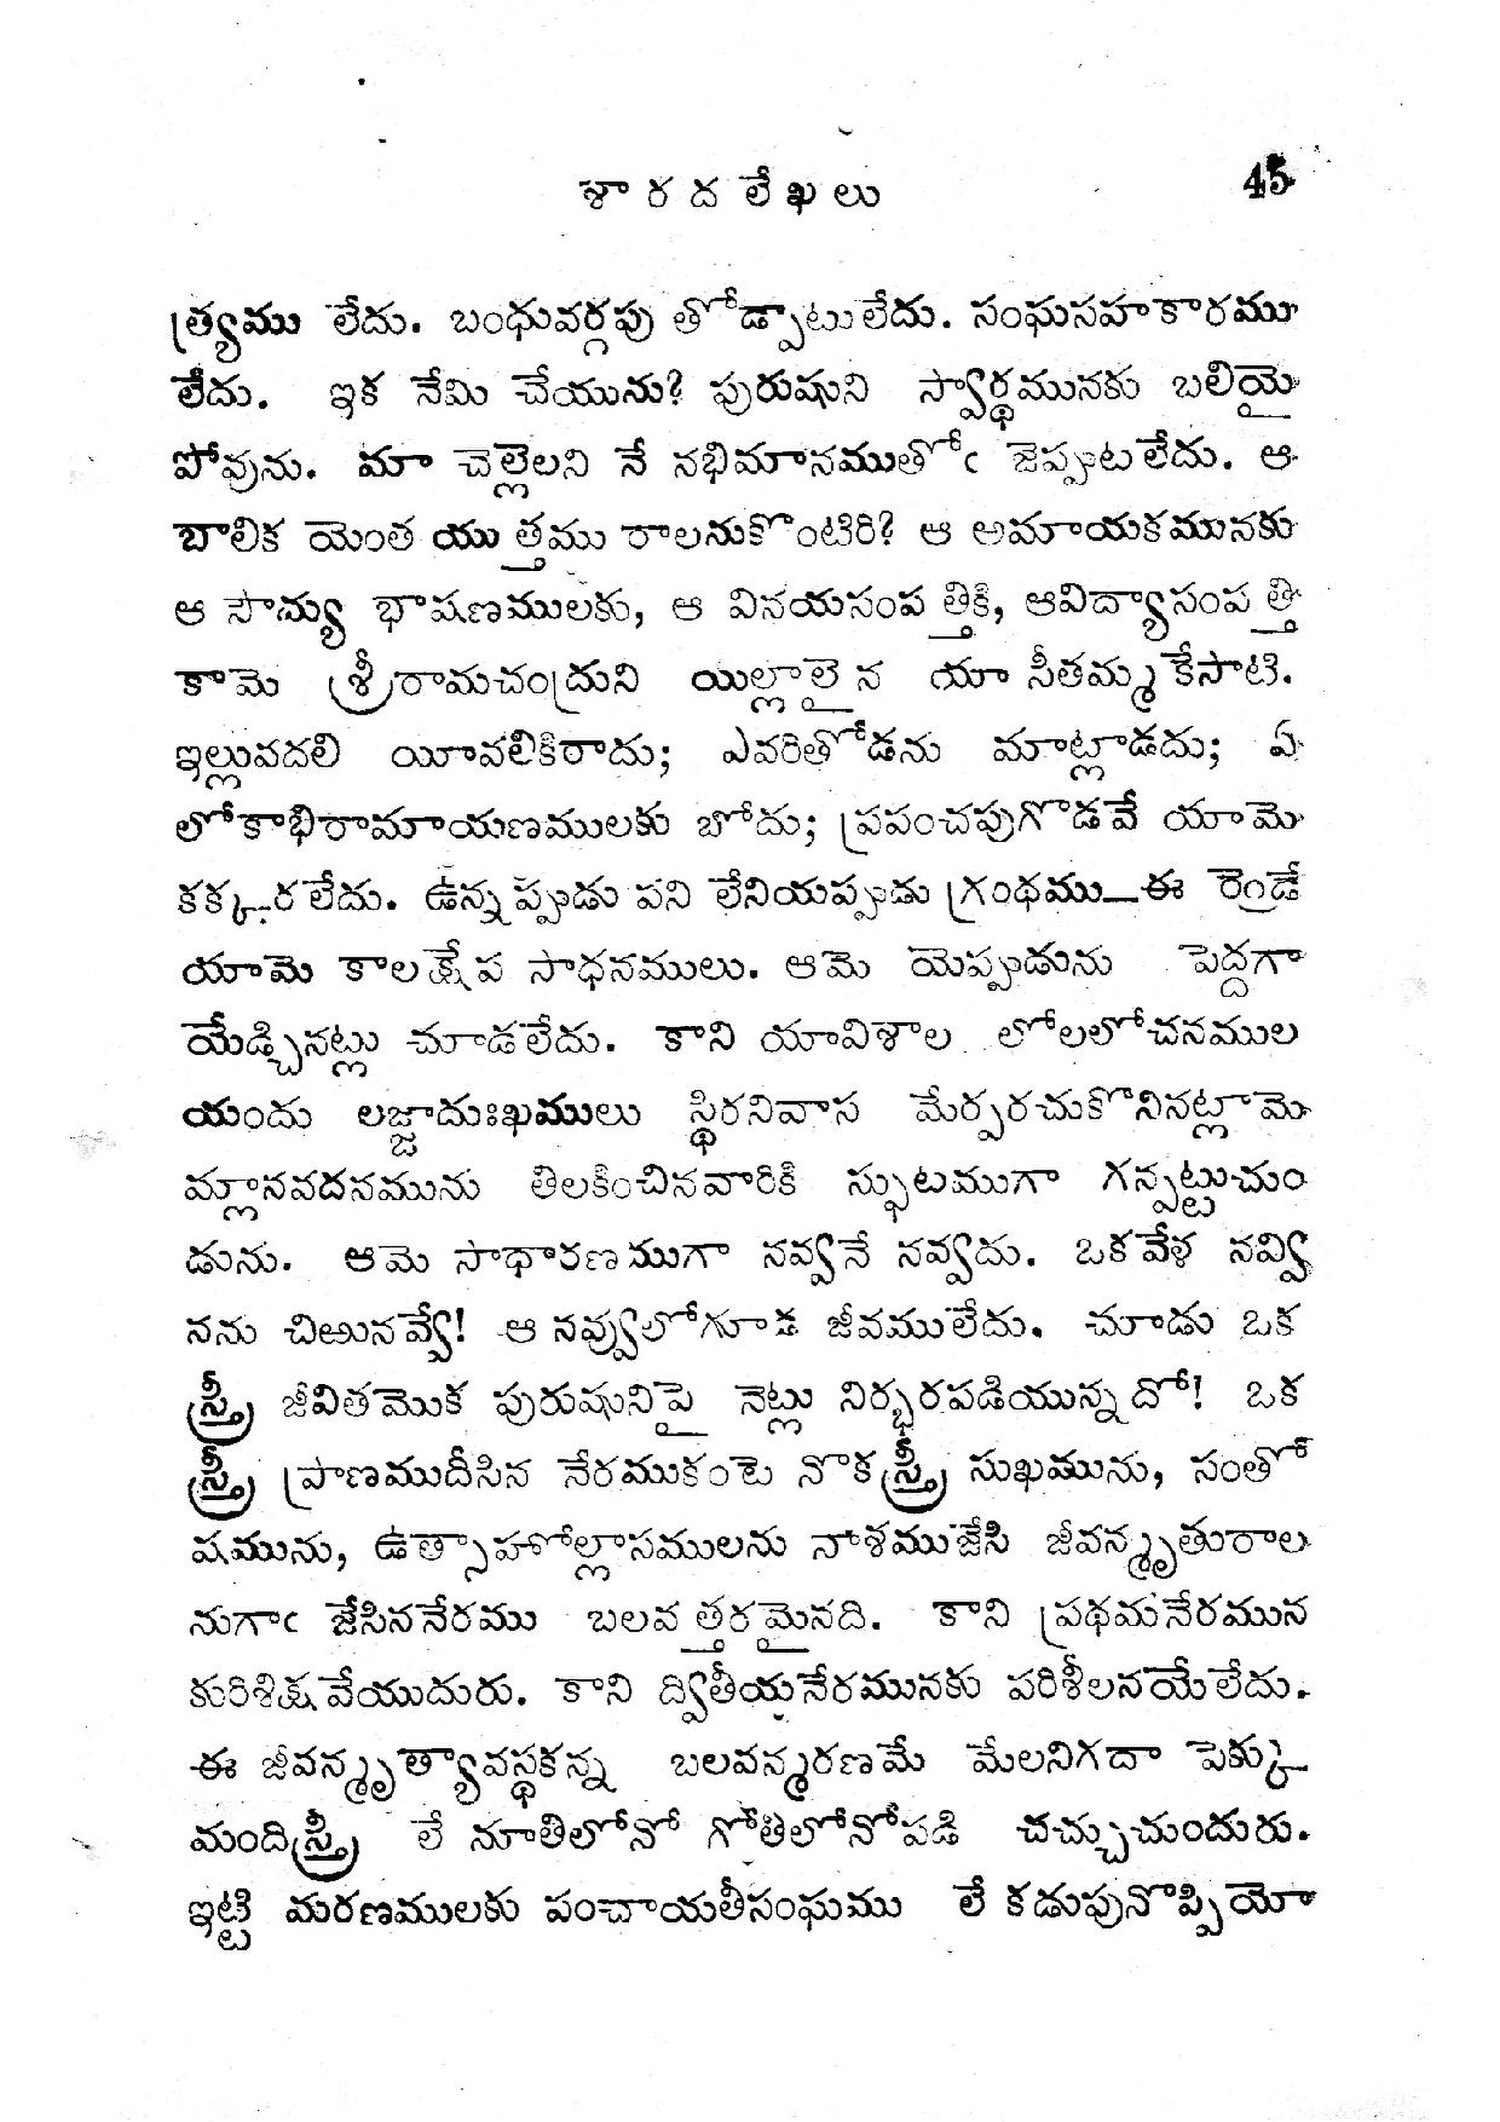త్ర్యము లేదు. బంధువర్గపు తోడ్పాటులేదు. సంఘసహకారము లేదు. ఇక నేమి చేయును? పురుషుని స్వార్థమునకు బలియై పోవును. మా చెల్లెలని నే నభిమానముతోఁ జెప్పుటలేదు. ఆ బాలిక యెంత యుత్తము రాలనుకొంటిరి? ఆ అమాయకమునకు ఆ సౌమ్య భాషణములకు, ఆ వినయసంపత్తికి, ఆవిద్యాసంపత్తి కామె శ్రీరామచంద్రుని యిల్లాలైన యా సీతమ్మకేసాటి. ఇల్లువదలి యీవలికిరాదు; ఎవరితోడను మాట్లాడదు; ఏ లోకాభిరామాయణములకు బోదు; ప్రపంచపుగొడవే యామె కక్కరలేదు. ఉన్నప్పుడు పని లేనియప్పుడు గ్రంథము. ఈ రెండే యామె కాలక్షేప సాధనములు. ఆమె యెప్పుడును పెద్దగా యేడ్చినట్లు చూడలేదు. కాని యావిశాల లోలలోచనముల యందు లజ్జాదుఃఖములు స్థిరనివాస మేర్పరచుకొనినట్లామె మ్లానవదనమును తిలకించినవారికి స్ఫుటముగా గన్పట్టుచుండును. ఆమె సాధారణముగా నవ్వనే నవ్వదు. ఒక వేళ నవ్వినను చిఱునవ్వే! ఆ నవ్వులోగూడ జీవములేదు, చూడు ఒక స్త్రీ జీవితమొక పురుషునిపై నెట్లు నిర్భరపడియున్నదో! ఒక స్త్రీ ప్రాణముదీసిన నేరముకంటె నొకస్త్రీ సుఖమును, సంతోషమును, ఉత్సాహోల్లాసములను నాశముజేసి జీవన్మృతురాలనుగాఁ జేసిననేరము బలవత్తరమైనది. కాని ప్రథమనేరమున కురిశిక్షవేయుదురు. కాని ద్వితీయనేరమునకు పరిశీలనయేలేదు.
ఈ జీవన్మృత్యావస్థకన్న బలవన్మరణమే మేలనిగదా పెక్కుమందిస్త్రీ లే నూతిలోనో గోతిలోనోపడి చచ్చుచుందురు. ఇట్టి మరణములకు పంచాయతీసంఘము లే కడుపునొప్పియో